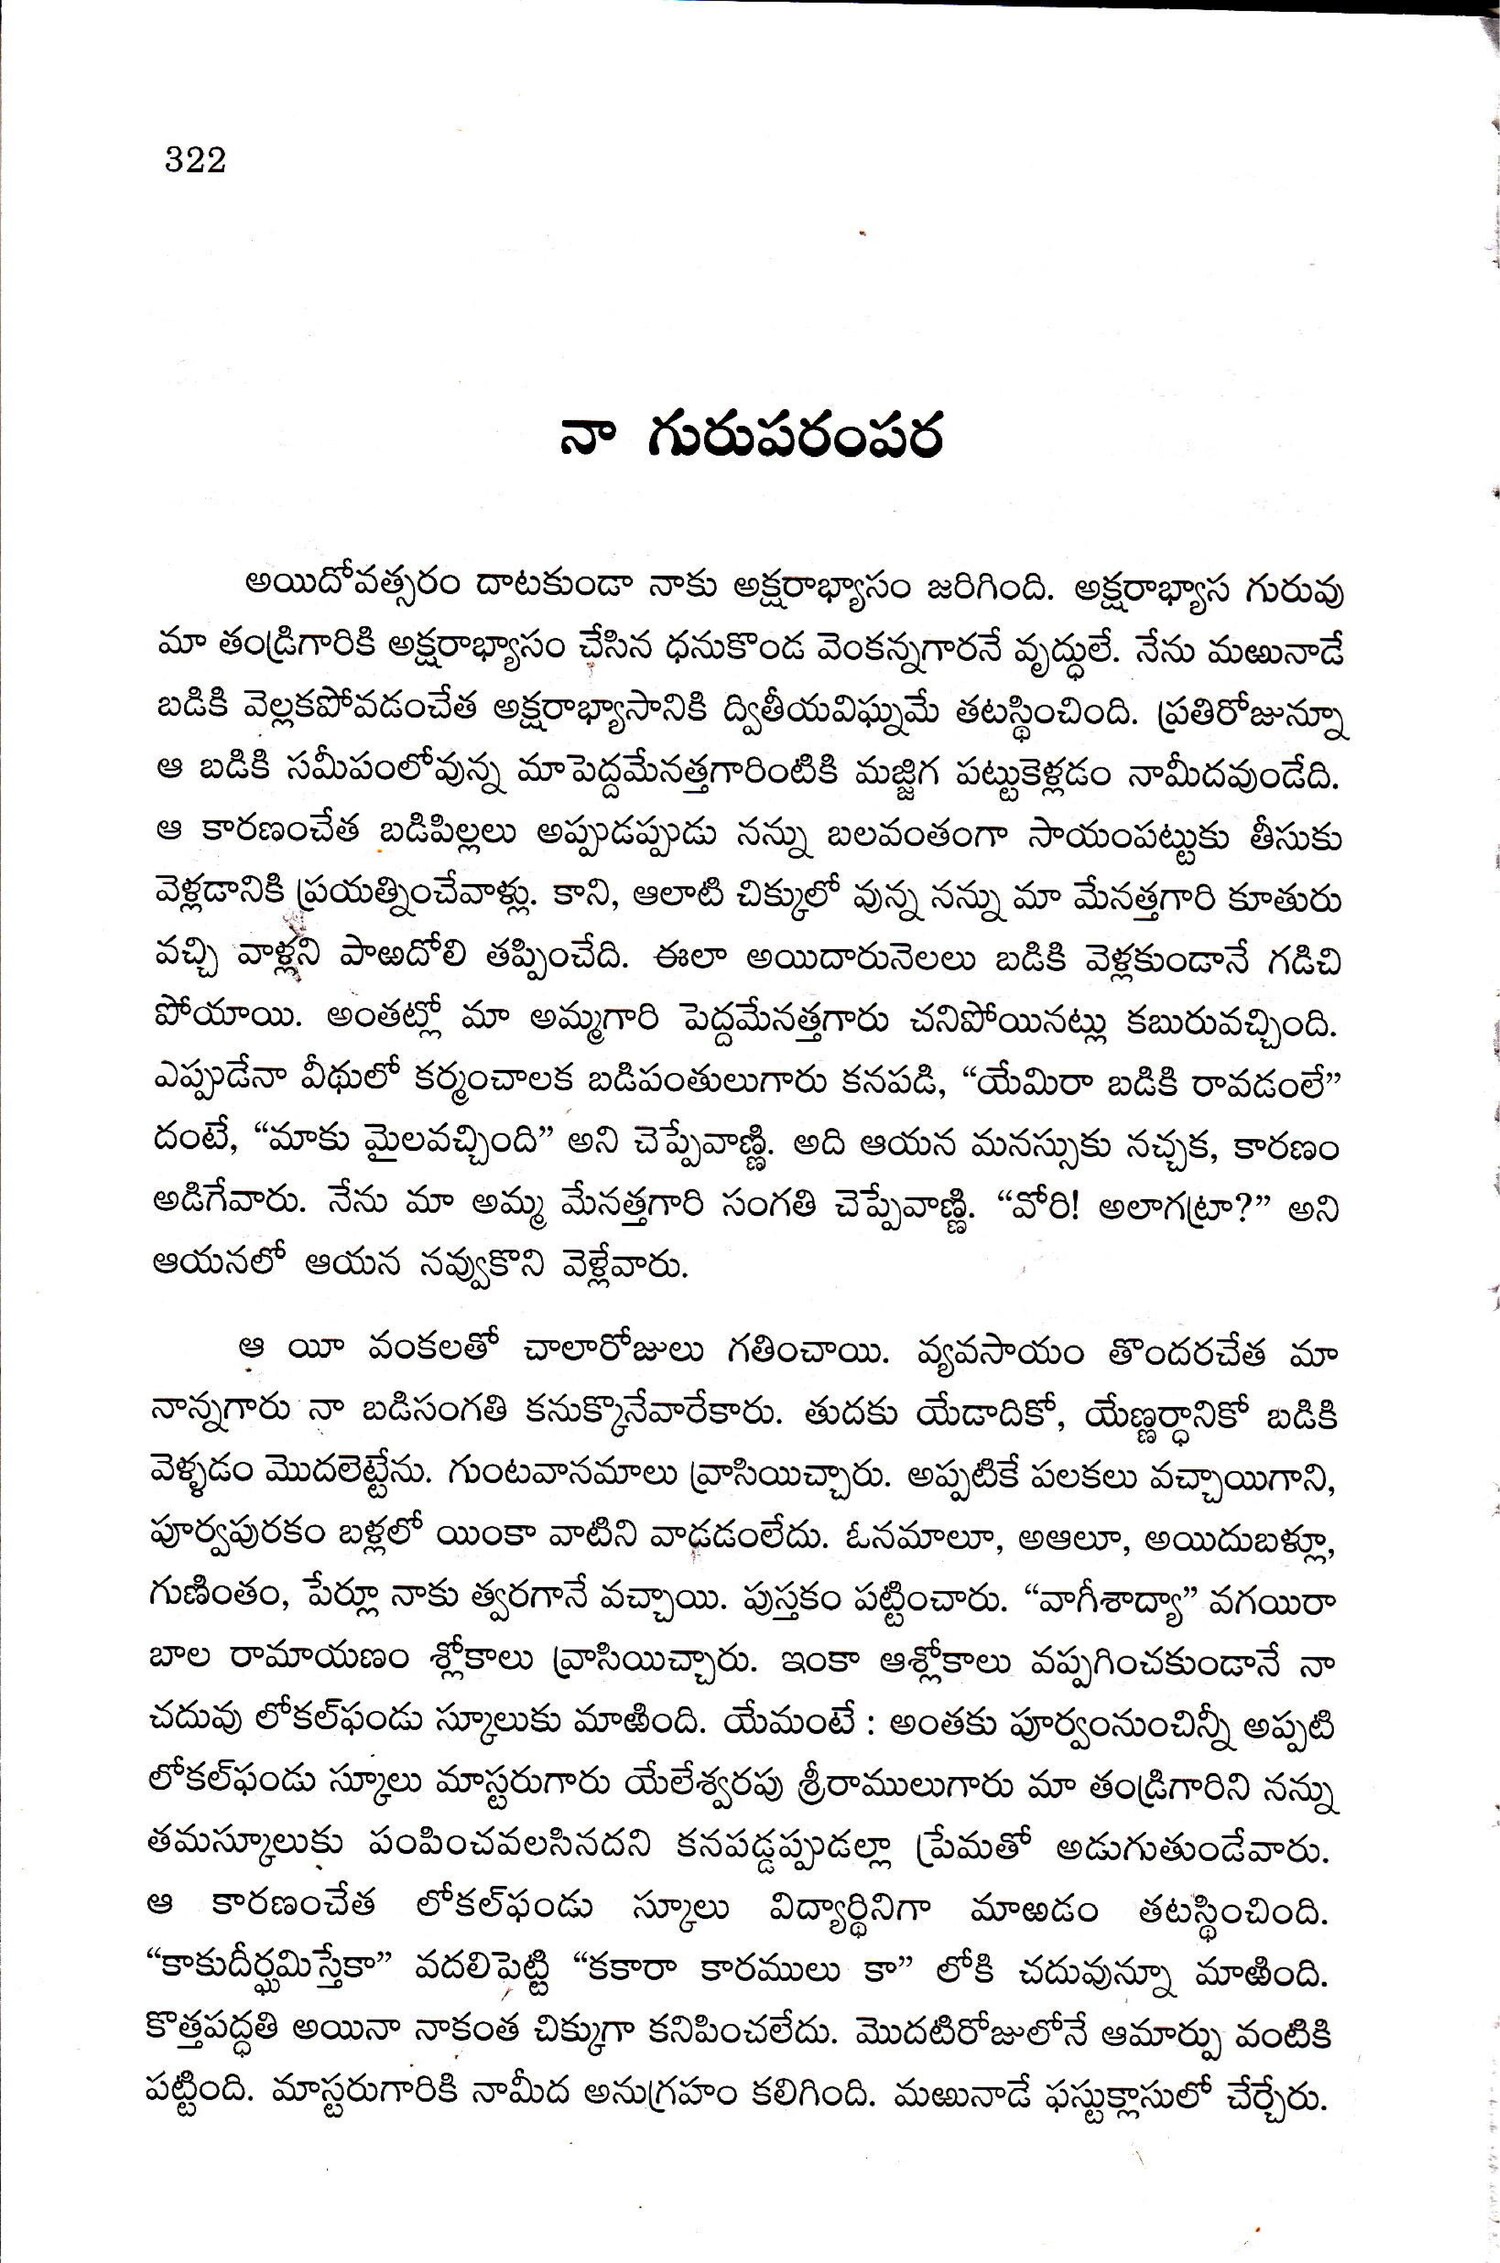నా గురుపరంపర

అయిదోవత్సరం దాటకుండా నాకు అక్షరాభ్యాసం జరిగింది. అక్షరాభ్యాస గురువు మా తండ్రిగారికి అక్షరాభ్యాసం చేసిన ధనుకొండ వెంకన్నగారనే వృద్దులే. నేను మఱునాడే బడికి వెల్లకపోవడంచేత అక్షరాభ్యాసానికి ద్వితీయవిఘ్నమే తటస్థించింది. ప్రతిరోజున్నూ ఆ బడికి సమీపంలోవున్న మాపెద్దమేనత్తగారింటికి మజ్జిగ పట్టుకెళ్లడం నామీదవుండేది. ఆ కారణంచేత బడిపిల్లలు అప్పుడప్పుడు నన్ను బలవంతంగా సాయంపట్టుకు తీసుకు వెళ్లడానికి ప్రయత్నించేవాళ్లు. కాని, ఆలాటి చిక్కులో వున్న నన్ను మా మేనత్తగారి కూతురు వచ్చి వాళ్లని పాఱదోలి తప్పించేది. ఈలా అయిదారునెలలు బడికి వెళ్లకుండానే గడిచి పోయాయి. అంతట్లో మా అమ్మగారి పెద్దమేనత్తగారు చనిపోయినట్లు కబురువచ్చింది. ఎప్పుడేనా వీథులో కర్మంచాలక బడిపంతులుగారు కనపడి, "యేమిరా బడికి రావడంలే” దంటే, “మాకు మైలవచ్చింది” అని చెప్పేవాణ్ణి. అది ఆయన మనస్సుకు నచ్చక, కారణం అడిగేవారు. నేను మా అమ్మ మేనత్తగారి సంగతి చెప్పేవాణ్ణి. "వోరి! అలాగబ్రా?” అని ఆయనలో ఆయన నవ్వుకొని వెళ్లేవారు. -

ఆ యీ వంకలతో చాలారోజులు గతించాయి. వ్యవసాయం తొందరచేత మా నాన్నగారు నా బడిసంగతి కనుక్కొనేవారేకారు. తుదకు యేడాదికో, యేణ్ణర్ధానికో బడికి వెళ్ళడం మొదలెట్టేను. గుంటవానమాలు వ్రాసియిచ్చారు. అప్పటికే పలకలు వచ్చాయిగాని, పూర్వపురకం బళ్లలో యింకా వాటిని వాడడంలేదు. ఓనమాలూ, అఆలూ, అయిదుబళ్లూ, గుణింతం, పేర్లూ నాకు త్వరగానే వచ్చాయి. పుస్తకం పట్టించారు. "వాగీశాద్యా” వగయిరా బాల రామాయణం శ్లోకాలు వ్రాసియిచ్చారు. ఇంకా ఆశ్లోకాలు వప్పగించకుండానే నా చదువు లోకల్‌ఫండు స్కూలుకు మాఱింది. యేమంటే : అంతకు పూర్వంనుంచిన్నీ అప్పటి లోకల్‌ఫండు స్కూలు మాస్టరుగారు యేలేశ్వరపు శ్రీరాములుగారు మా తండ్రిగారిని నన్ను తమస్కూలుకు పంపించవలసినదని కనపడ్డప్పుడల్లా ప్రేమతో అడుగుతుండేవారు. ఆ కారణంచేత లోకల్‌ఫండు స్కూలు విద్యార్థినిగా మాఱడం తటస్థించింది. "కాకుదీర్ఘమిస్తేకా" వదలిపెట్టి "కకారా కారములు కా" లోకి చదువున్నూ మాఱింది. కొత్తపద్ధతి అయినా నాకంత చిక్కుగా కనిపించలేదు. మొదటిరోజులోనే ఆమార్పు వంటికి పట్టింది. మాస్టరుగారికి నామీద అనుగ్రహం కలిగింది. మఱునాడే ఫస్టుక్లాసులో చేర్చేరు.